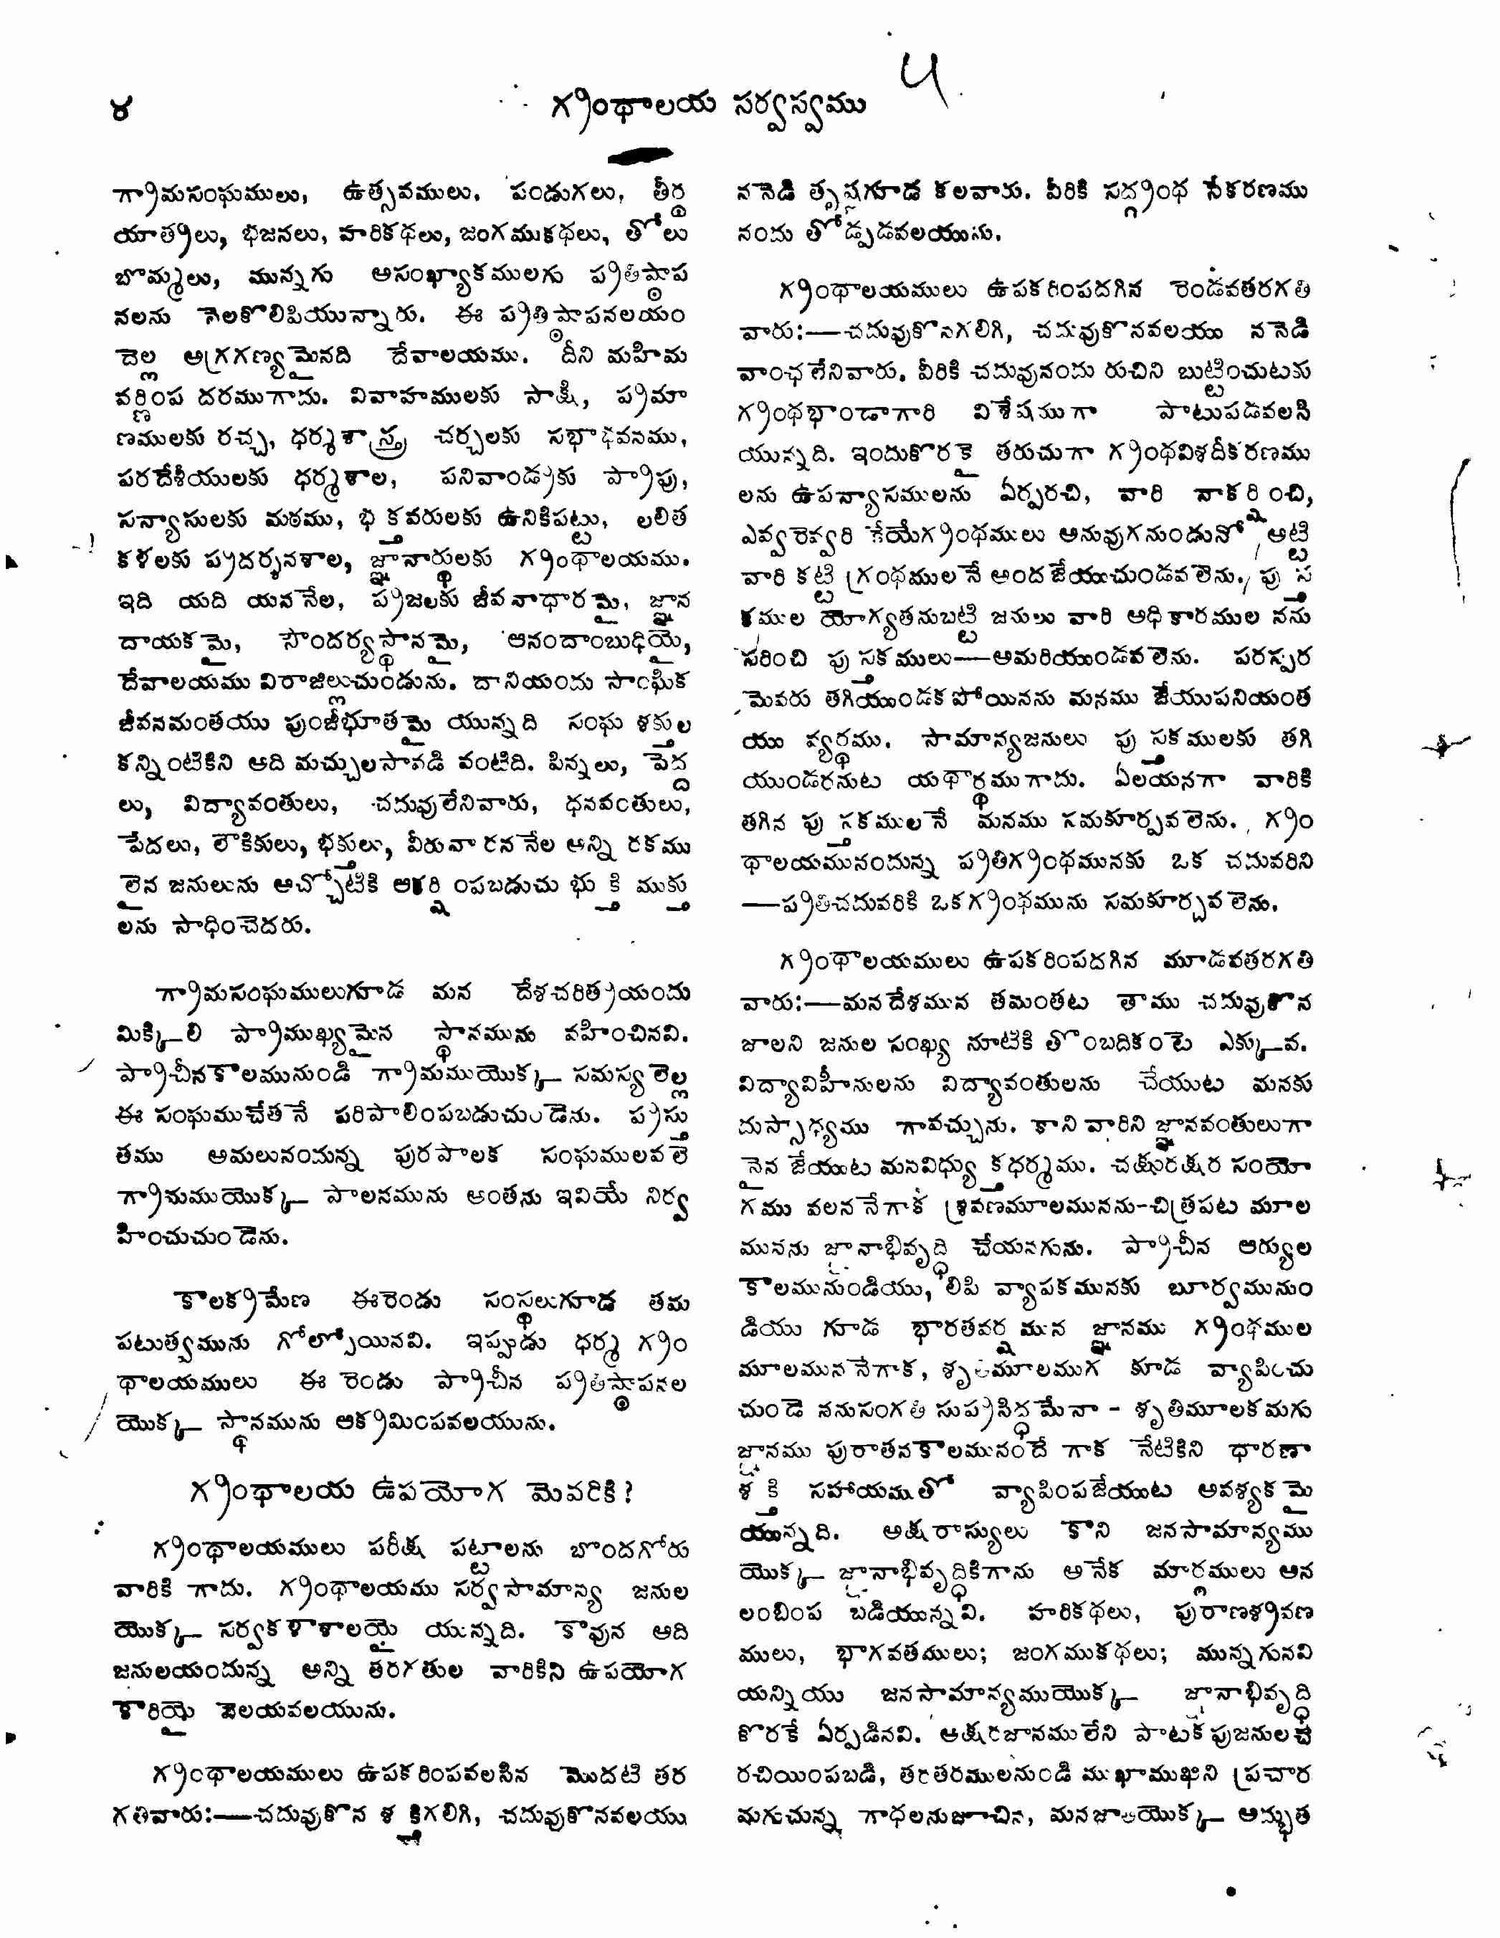గ్రామసంఘములు, ఉత్సవములు, పండుగలు, తీర్థయాత్రలు, భజనలు, హరికథలు, జంగముకథలు, తోలు బొమ్మలు, మున్నగు అసంఖ్యాకములగు ప్రతిష్టాపననలను నెలకొలిపియున్నారు. ఈ ప్రతి ప్రతిష్టాపనవలయం దెల్ల అగ్రగణ్యమైనది దేవాలయము. దీని మహిమ వర్ణింప దరముగాదు. వివాహములకు సాక్షి, ప్రమాణములకు రచ్చ, ధర్మశాస్త్ర చర్చలకు సభాభవనము, పరదేశీయులకు ధర్మశాల, పనివాండ్రకు ప్రాపు, సన్యాసులకు మఠము, భక్తవరులకు ఉనికిపట్టు, లలితకళలకు ప్రదర్శనశాల, జ్ఞానార్థులకు గ్రంథాలయము. ఇది యది యన నేల, ప్రజలకు జీవనాధారమై, జ్ఞానదాయకమై, సౌందర్యస్థానమై, ఆనందాంబుధియై, దేవాలయము విరాజిలుచుండును. దానియందు సాంఘిక జీవనమంతయు పుంజీభూతమై యున్నది సంఘ శక్తుల కన్నింటికిని ఆది మచ్చుల సావడి వంటిది. పిన్నలు, పెద్దలు, విద్యావంతులు, చదువులేనివారు, ధనవంతులు, పేదలు, లౌకికులు, భక్తులు, వీరువారననేల అన్ని రకములైన జనులును ఆచ్చోటికి ఆకర్షింపబడుచు భుక్తి ముక్తలను సాధించెదరు.

గ్రామ సంఘములుగూడ మన దేశచరిత్రయందు మిక్కిలి ప్రాముఖ్యమైన స్థానమును వహించినవి. ప్రాచీన కాలమునుండి గ్రామము 
యొక్క సమస్య లెల్ల ఈ సంఘము చేతనే పరిపాలింపబడుచుండెను. ప్రస్తుతము అమలునందున్న పురపాలక సంఘములవలె
గ్రామము యొక్క పాలనమును అంతను ఇవియే నిర్వహించుచుండెను.

కాలక్రమేణ ఈరెండు సంస్థలు గూడ తమ పటుత్వమును గోల్పోయినవి. ఇప్పుడు ధర్మ గ్రంథాలయములు ఈ రెండు ప్రాచీన ప్రతిస్థాపనల యొక్క స్థానమును ఆక్రమింపవలయును.

గ్రంథాలయములు పరీక్ష పట్టాలను బొందగోరు వారికి గాదు. గ్రంథాలయము సర్వసామాన్య జనుల యొక్క సర్వకళాశాలయై యున్నది. కావున ఆది జనులయందున్న అన్ని తరగతుల వారికిని ఉపయోగకారియై వెలయవలయును.

గ్రంథాలయములు ఉపకరింపవలసిన మొదటి తరగతివారు: చదువుకొన శక్తి గలిగి, చదువుకొనవలయు ననెడి తృష్ణగూడ కలవారు. 
వీరికి సద్గ్రంధ సేకరణము నందు తోడ్పడవలయును.

గ్రంథాలయములు ఉపకరింపదగిన రెండవతరగతి వారు:- చదువుకొనగలిగి, చదువుకొనవలయు ననెడి వాంఛ లేనివారు, వీరికి చదువునందు రుచిని బుట్టించుటకు గ్రంథభాండాగారి విశేషముగా పాటుపడవలసి యున్నది. ఇందుకొరకై తరుచుగా గ్రంధవిశదీకరణము
లను ఉపన్యాసములను ఏర్పరచి, వారి నాకర్షించి, ఎవ్వరెవ్వరి జేయేగ్రంథములు అనువుగ నుండునో అట్టి వారి కట్టి గ్రంధములనే అంద జేయుచుండవలెను. పుస్తకముల యోగ్యతనుబట్టి జనులు వారి అధికారముల ననుసరించి పుస్తకములు - అమరియుండవలెను. పరస్పరమెవరు తగియుండకపోయినను మనము జేయుపనియంతయు వ్యర్థము. సామాన్యజనులు పుస్తకములు తగియుండరనుట యధార్థము గాదు. ఏలయనగా వారికి తగిన పుస్తకములనే మనము సమకూర్చవలెను. గ్రంథాలయమునందున్న ప్రతిగ్రంధమునకు 
ఒక చదువరిని - ప్రతిచదువరికి ఒక గ్రంథమును సమకూర్చవలెను.

గ్రంథాలయములు ఉపకరింపదగిన మూడవతరగతి వారు:——మన దేశమున తమంతట తాము చదువుకొనజాలని జనుల సంఖ్య నూటికి తొంబదికంటే ఎక్కువ. విద్యావిహీనులను విద్యావంతులను చేయుట మనకు దుస్సాధ్యము గావచ్చును. కాని వారిని జ్ఞానవంతులుగా
నైన జేయుట మనవిధ్యు కధర్మము. చతురక్షర సంయోగము వలననేగాక శ్రవణమూలమునను - చిత్రపట మూలమునను జ్ఙానాబివృద్ధి చేయనగును. ప్రాచీన ఆర్యుల కాలమునుండియు, లిపి వ్యాపకమునకు బూర్వమునుండియు గూడ భారతవర్షమున జ్ఞానము గ్రంధముల
మూలమున నేగాక, శృతమూలమగు కూడ వ్యాపించు చుండె ననుసంగతి సుప్రసిద్ధ మేనా - శృతిమూలకమగు జానము పురాతన కాలమునందే గాక నేటికిని ధారణా శక్తి సహాయముతో వ్యాపింపజేయుట అవశ్యకమై యున్నది. అక్షరాస్యులు కాని జనసామాన్యము
యొక్క జ్ఞానాభివృద్ధికిగాను అనేక మార్గములు అవలంబింప బడియున్నవి. హరికథలు, పురాణశ్రవణములు, భాగవతములు; జంగముకథలు; మున్నగునవి యన్నియు జనసామాన్యముయొక్క జ్ఞానాభివృద్ధి కొరకే ఏర్పడినవి. అక్షరాజానములేని పాటకపుజనులచే
రచియింపబడి, తర తరములనుండి ముఖాముఖిని ప్రచారమగుచున్న గాధలని జూచిన, మన జాల యొక్క అద్భుత